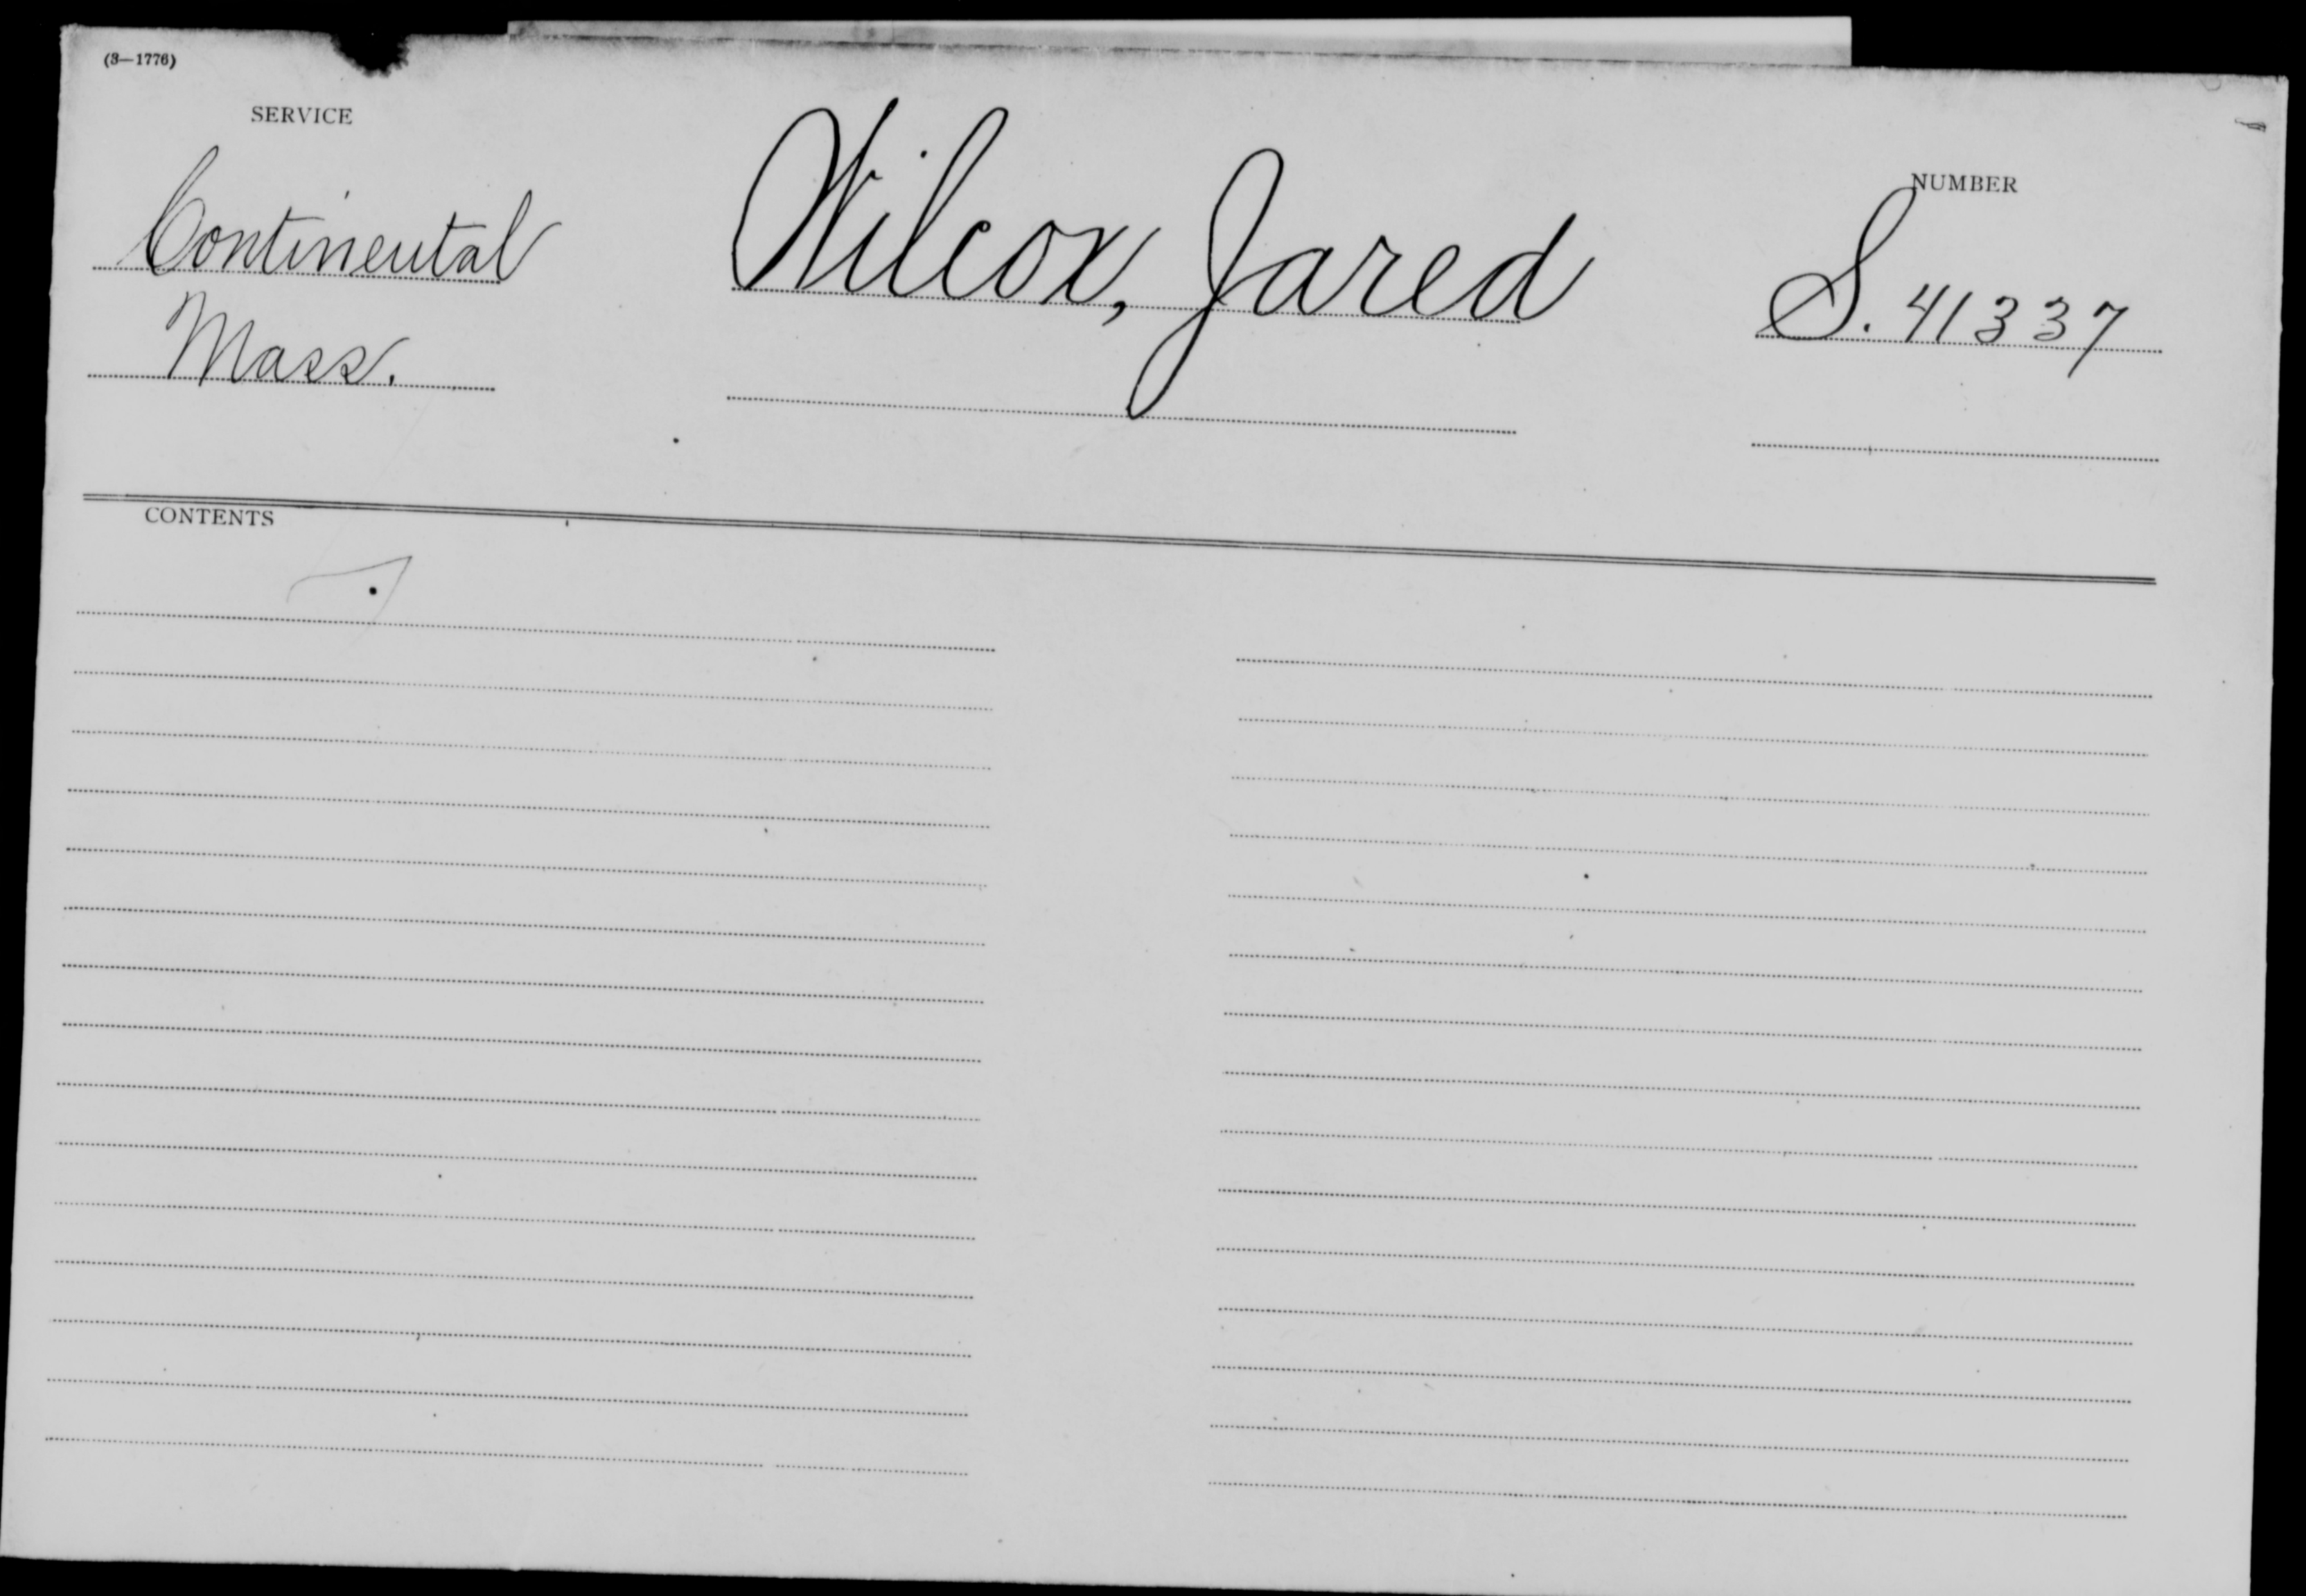(3-1776)

SERVICE        NUMBER

Continental    Wilcox, Jared   S. 41337
Mass.


CONTENTS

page: 1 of 34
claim: survivor's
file: S. 41337, Jared Wilcox, Continental Mass.